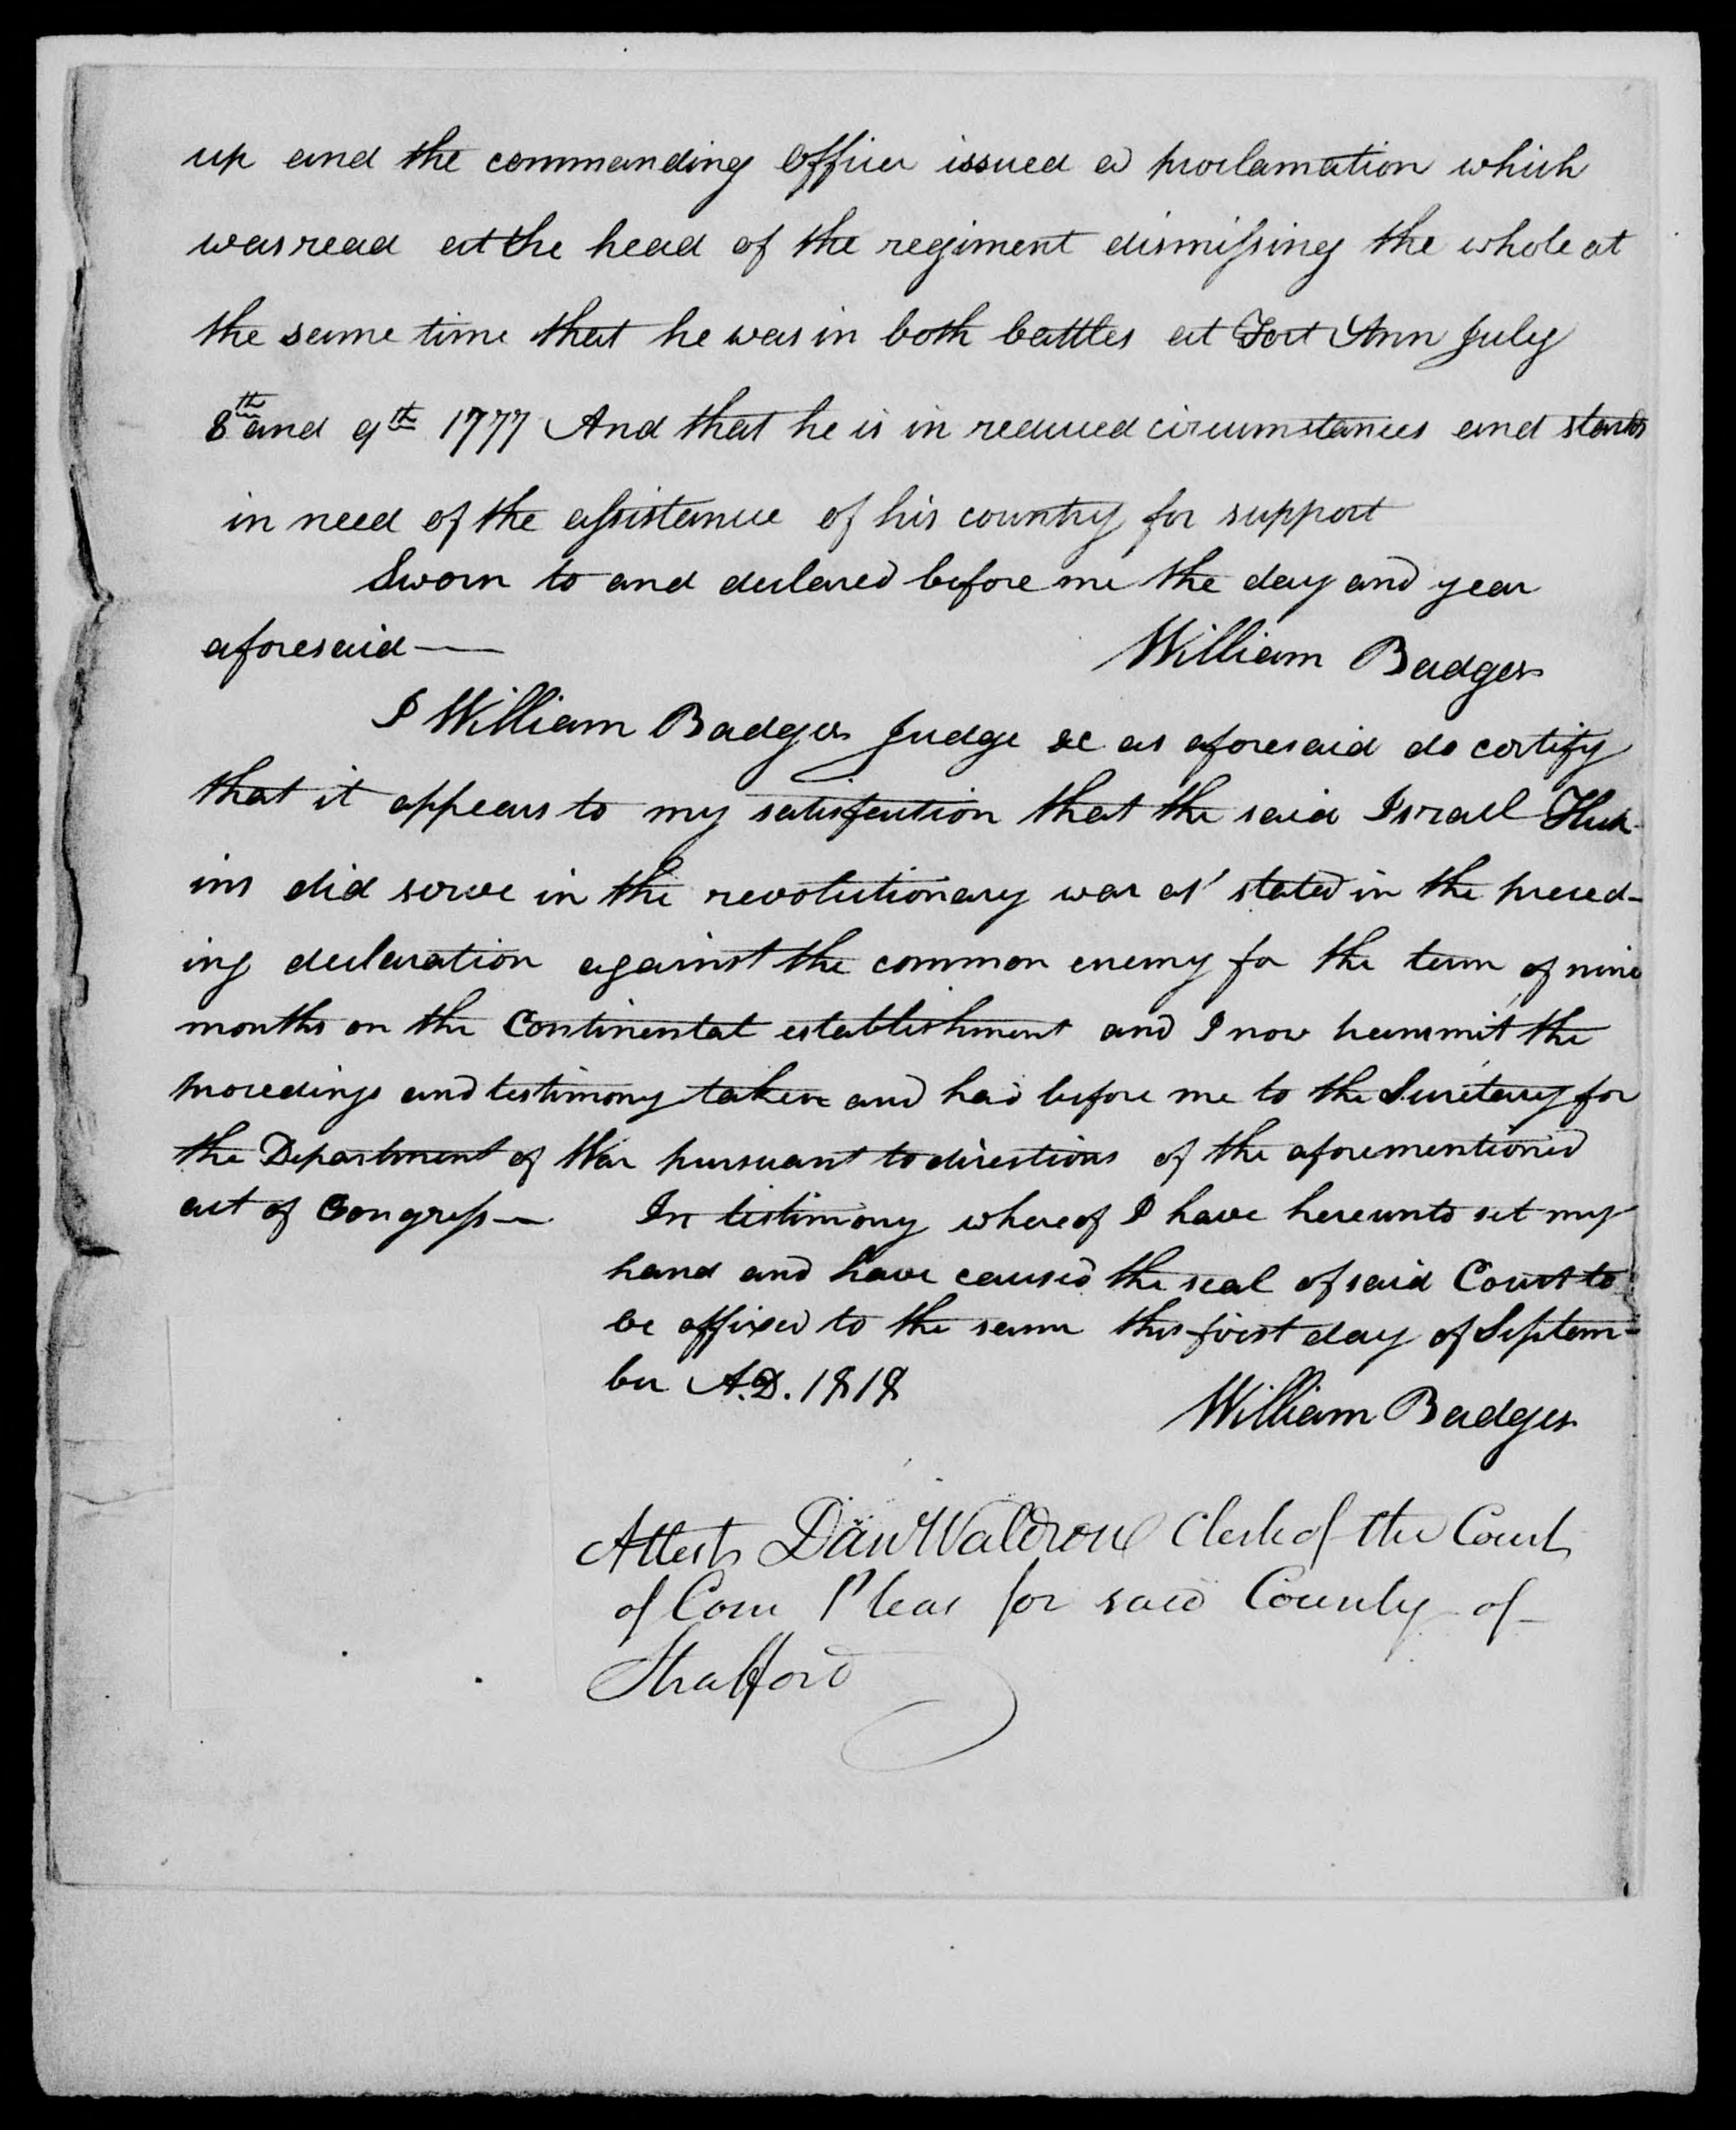up and the commanding officer issued a proclamation which was read at the head of the regiment dismissing the whole at the same time that he was in both battles at Fort Ann July 8th June 9th 1777. And that he is in reduced circumstances and stands in need of the assistance of his country for support.
Sworn to and declared before me the day and year aforesaid. William Broges

I, William Broges, Judge as aforesaid, do certify that it appears to my satisfaction that the said Israel Huckins did serve in the revolutionary war as stated in the preceding declaration against the common enemy for the term of nine months on the Continental establishment and I now transmit the proceeding and testimony taken and had before me to the Secretary for the Department of War pursuant to directions of the aforementioned act of Congress.
In testimony whereof I have hereunto set my hand and have caused the seal of said Court to be affixed to the same this first day of September A.D. 1818.

William Broges
Attest, Daniel Waldron, Clerk of the Court of Com. Pleas for said County of Strafford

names: Israel Huckins, Danl Waldron, William Badger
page: 15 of 35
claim: widow's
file: W. 16127, Israel Huckins, N.H.